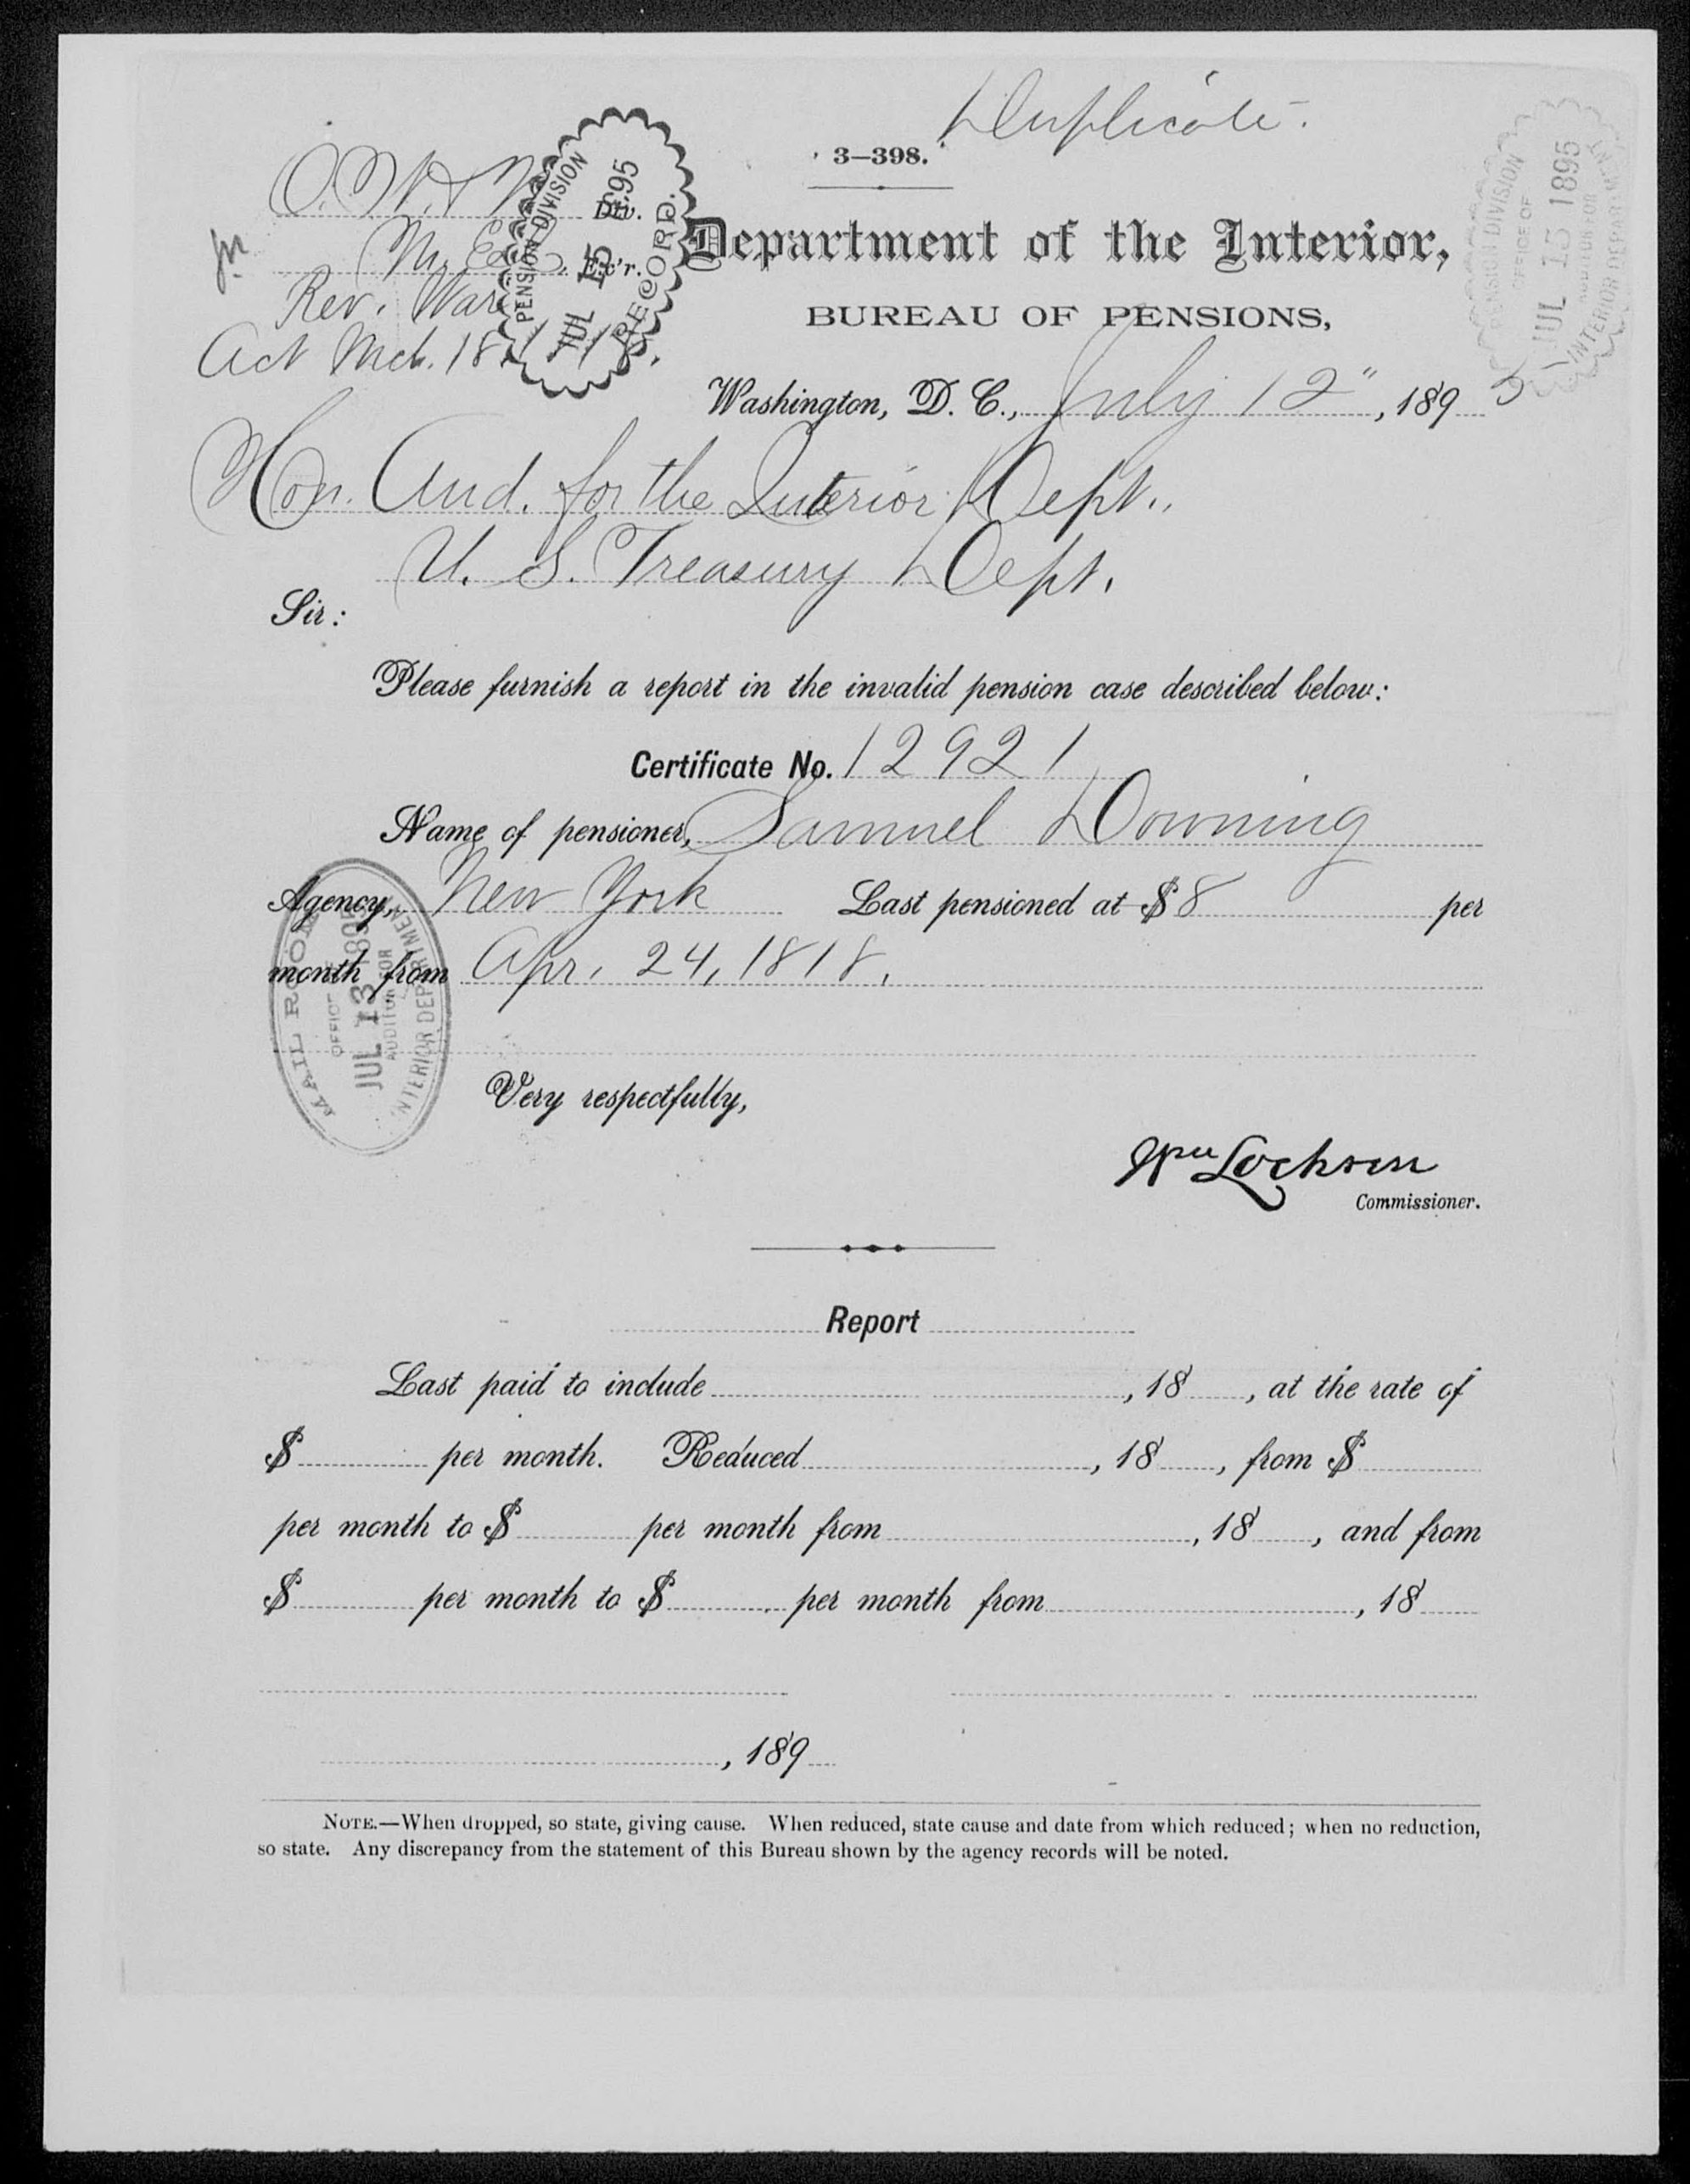Duplicate 
3-398.
PENSION DIVISION JUL15 1895 RECORD
PENSION DIVISION OFFICE  OF JUL 15 1895 AUDITOR FOR INTERIOR DEPARTMENT 
Department of the Interior
BUREAU OF PENSIONS,
Washington, D.C. July 12, 1895
O.W.TN Div.
(illegible) Ex’r.
Rev. War
Act Mch 18 (illegible)
Hon. And. for the Interior Dept.
U. S. Treasury Dept.
Sir:
Please furnish a report in the invalid pension case described below:
Certificate No. 12921
Name of pensioner, Samuel Downing
Agency, New York Last pensioned at$8 per month from April. 24, 1818.
Very respectfully,
Jpg Lockorn Commisioner,
MAIL ROOM OFFICE JUL 13 1895 AUDITOR FOR INTERIOR DEPARTDEPARTMENT 
Report
Last paid to include…, 18…, at the rate of $…per month. Reduced …, 18…, from $… per month to $… per month from …, 18…, and from $… per month to $… per month from …, 18…, 189…
NOTE.- When dropped, so state, giving cause. When reduced, state cause and date from which reduced ; when no reduction, so state. Any discrepancy from the statement of this Bureau shown by the agency records will be noted.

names: Wm Lochren, Samuel Downing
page: 45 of 56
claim: survivor's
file: S. 40,055, Samuel Downing, N.H.